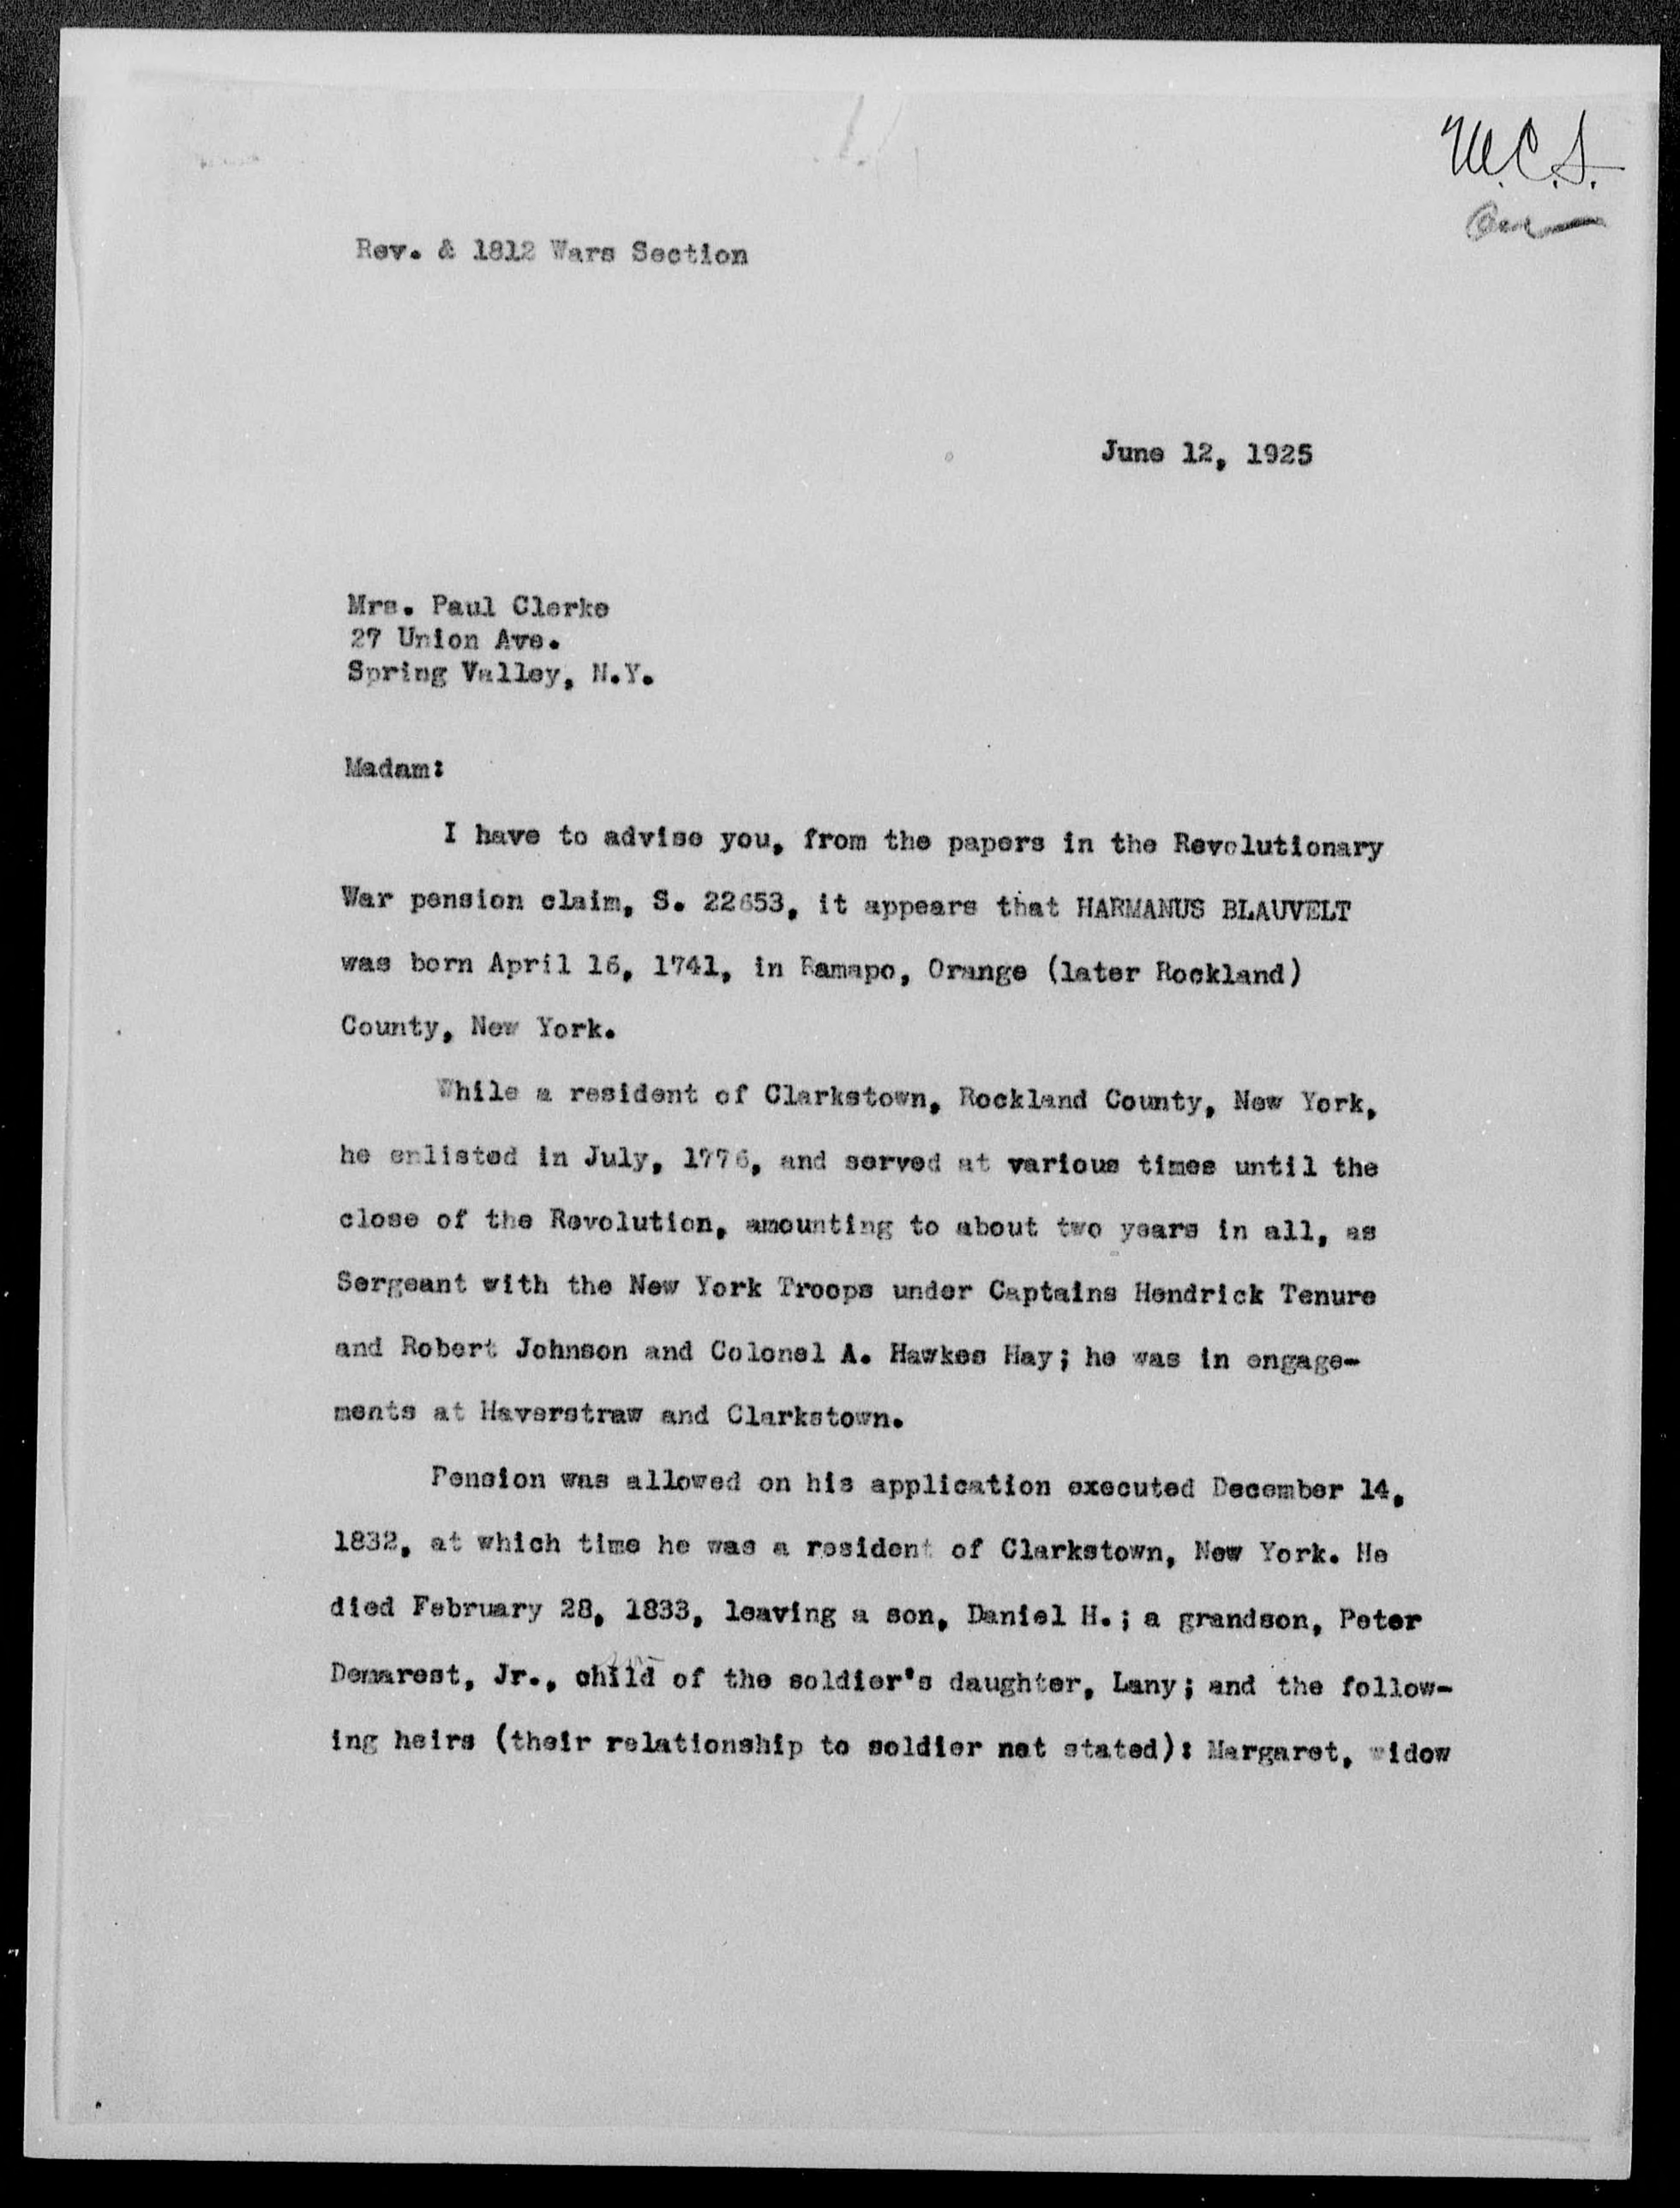Rev. & 1812 Wars Section

June 12, 1925
Mrs. Paul Clerke
27 Union Ave.
Spring Valley, N.Y.

Madam;
I have to advise you from the papers in the Revolutionary War pension claim, S. 22653, it appears that HARMANUS BLAUVELT
was born April 16, 1741, in Ramapo, Orange (later Rockland) County, New York.

While a resident of Clarkstown, Rockland County, New York, he enlisted in July, 1776, and served at various times until the
close of the Revolution, amounting to about two years in all, as Sergeant with the New York Troops under Captains Hendrick Tenure and
Robert Johnson and Colonel A. Hawkes Hay; he was in engagements at Haverstraw and Clarkstown.

Pension was allowed on his application executed December 14, 1832, at which time he was a resident of Clarkstown, New York. He
died February 28, 1833, leaving a son, Daniel H. a grandson, Peter Demarest, Jr., child of the soldier's daughter, Lany; and the following
heirs their relationship to soldier not stated): Margaret, widow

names: Robert Johnson, Paul Clerke, Harmanus Blauvelt, A Hawkes Hay, Margaret, Hendrick Tenure, Daniel H, Peter Demarest, Lany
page: 12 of 33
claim: survivor's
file: S. 22,653, Harmanus Blauvelt, New York